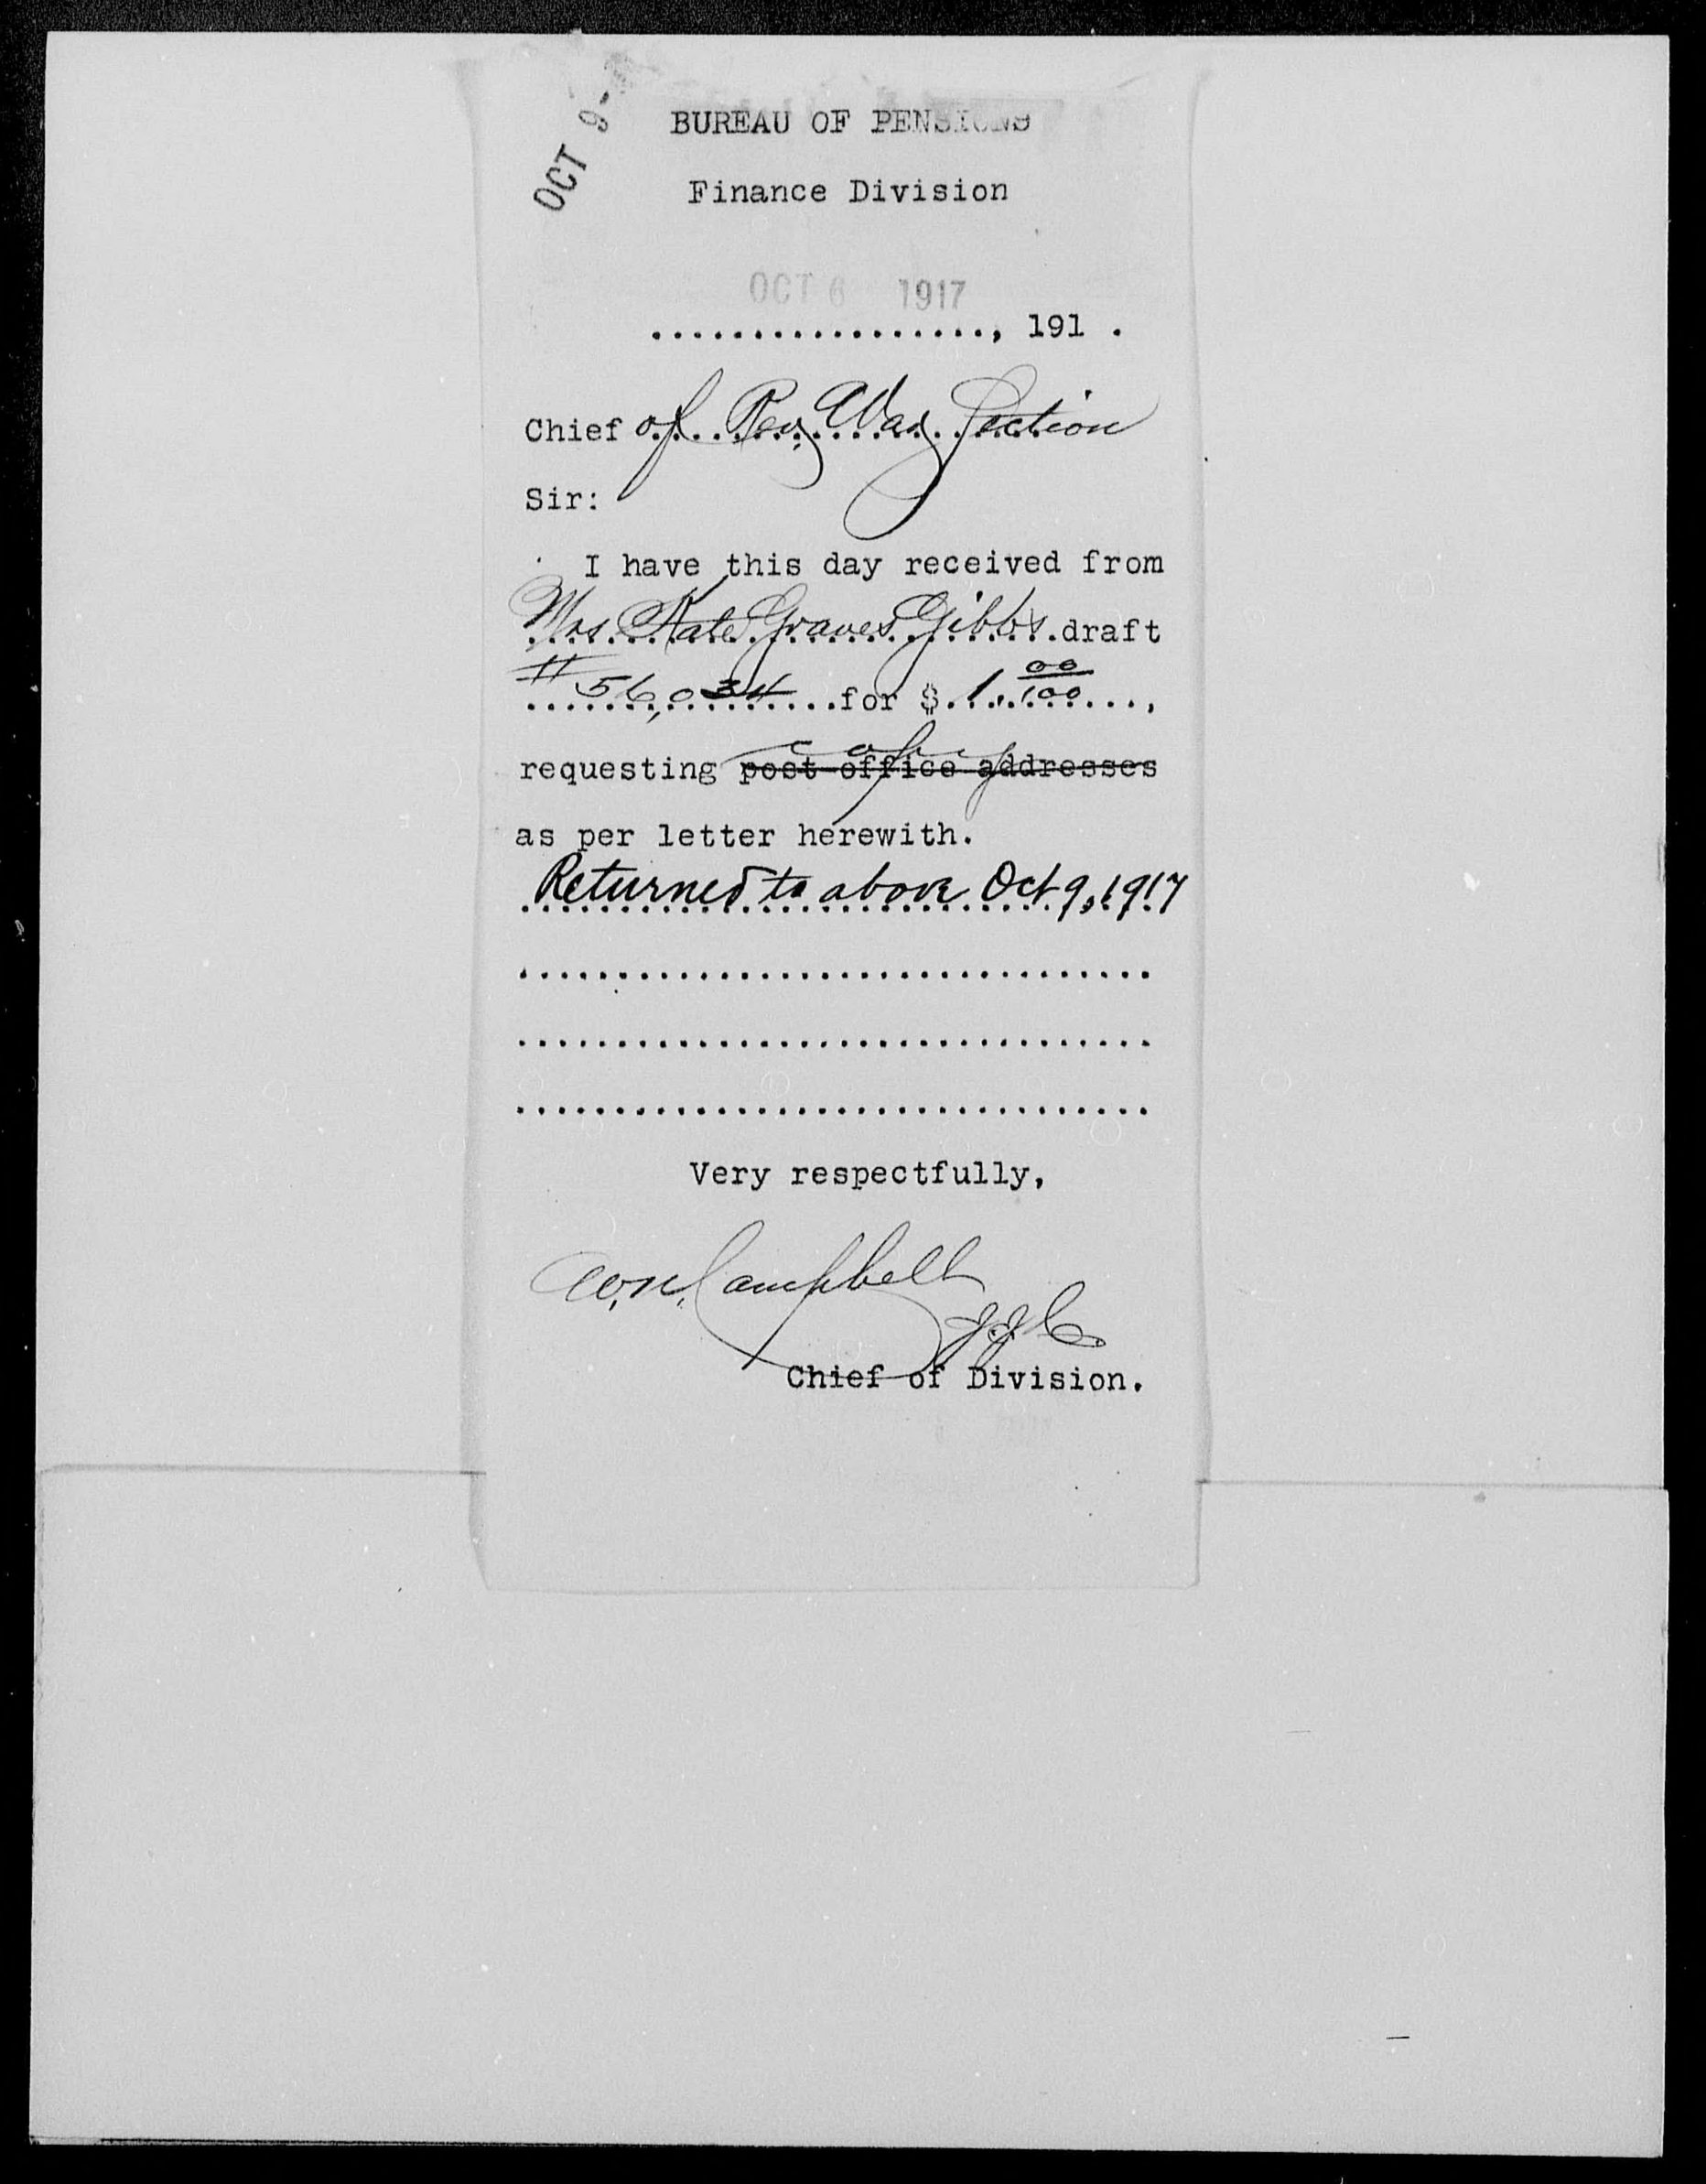[typed form, with handwritten responses]

[stamped sideways] OCT 9-

BUREAU OF PENSIONS --

Finance Division 

OCT 6 1917 
………. 191. 

Chief of Rev. War Section 

Sir: 

I have this day received from Mrs. Kate Graves Gibbs draft #56,034 …for $1. 00/100…requesting [post-office addresses crossed out] copy as per letter herewith. 

Returned to above Oct. 9, 1917
● ● ● ● ● ● 

Very respectfully, W. N. Campbell J.J.C 
Chief of Division.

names: Kate Graves Gibbs, W N Campbell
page: 51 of 54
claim: survivor's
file: S. 30287, William Bruce, N.C.